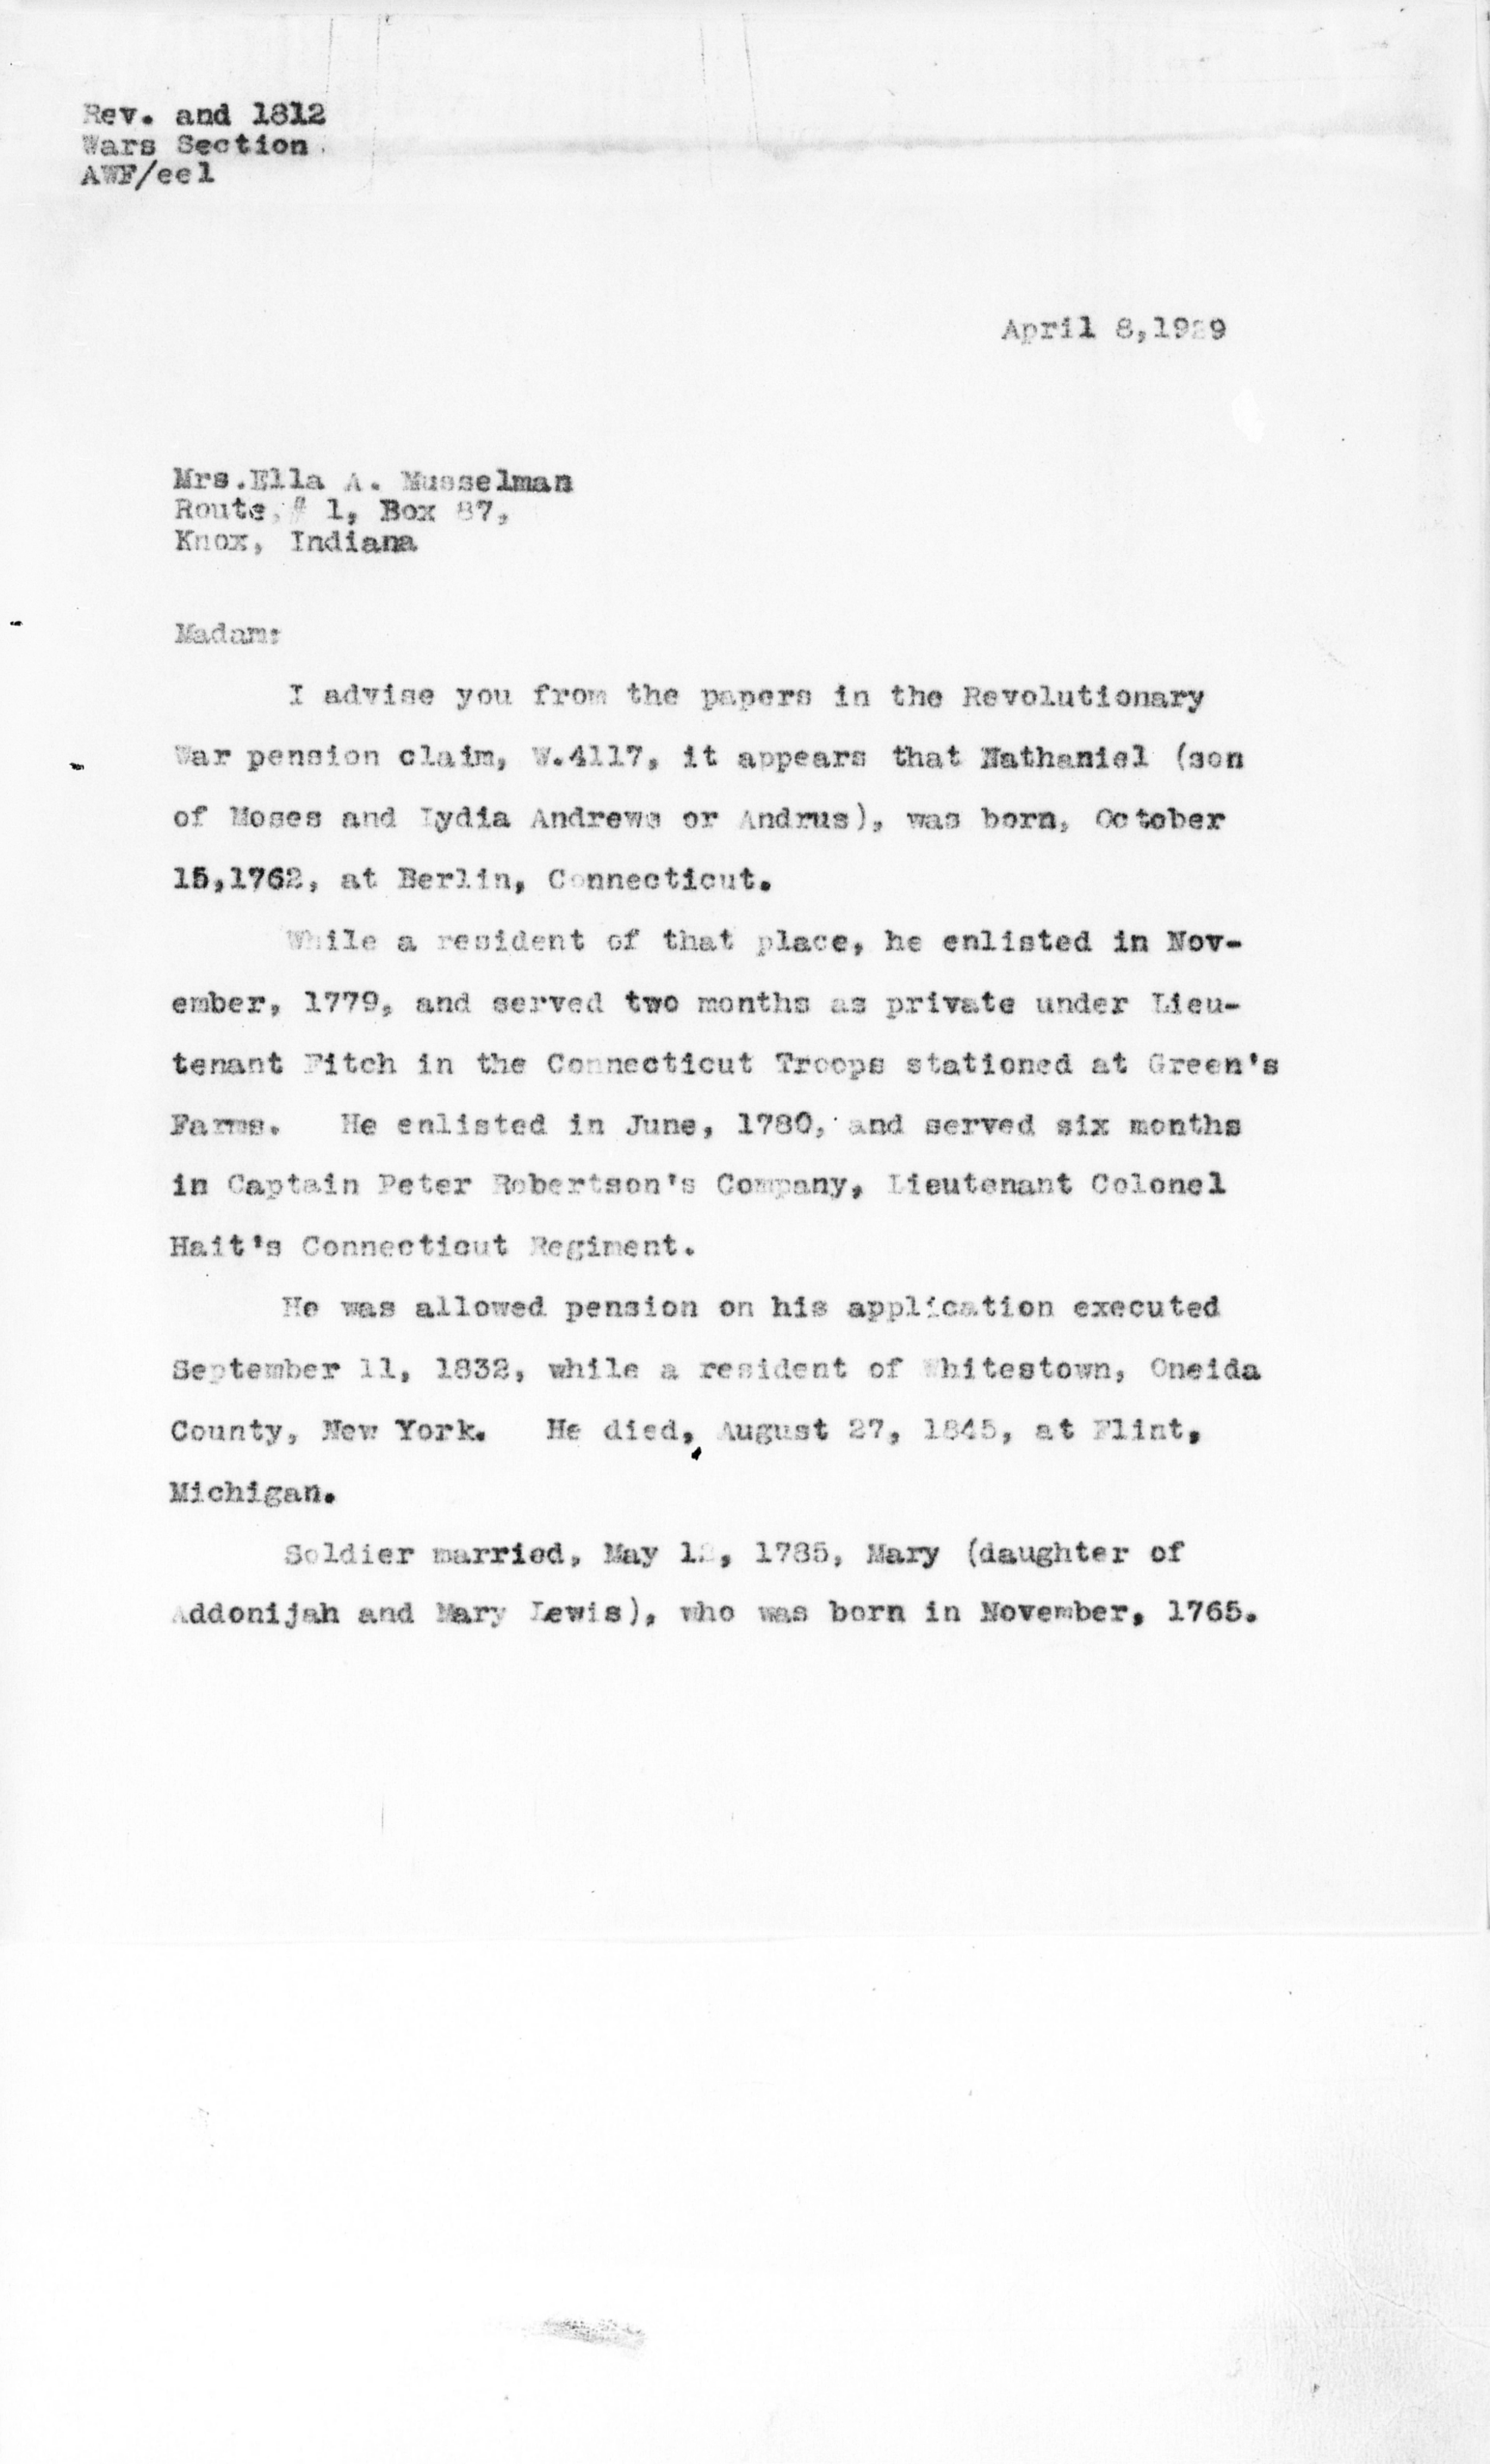Rev. and 1812
Wars Section
AWF/eel
April 8, 1929
Mrs. Ella A. Musselman
Route 1, Box 37,
Knox, Indiana
Madam;I advise you from the papers in the Revolutionary
War pension claim, W. 4117, it appears that Nathaniel (son
of Moses and Lydia Andrews or Andrus), was born October
15, 1762, at Berlin, Connecticut.
While a resident of that place, he enlisted in November
, 1779, and served two months as private under Lieutenant
Fitch in the Connecticut Troops stationed at Green's
Farms. He enlisted in June, 1780, and served six months
in Captain Peter Robertson's Company, Lieutenant Colonel
Hait's Connecticut Regiment.
He was allowed pension on his application executed
September 11, 1832, while a resident of Whitestown, Oneida
County, New York. He died August 27, 1845, at Flint,
Michigan.
Soldier married, May 12, 1785, Mary (daughter of
Addonijah and Mary Lewis), who was born in November, 1765.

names: Lydia Andrus, Nathaniel, Moses, Ella A Musselman, Lydia Andrews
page: 18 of 78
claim: widow's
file: W. 4117, Nathaniel Bradley, Conn.